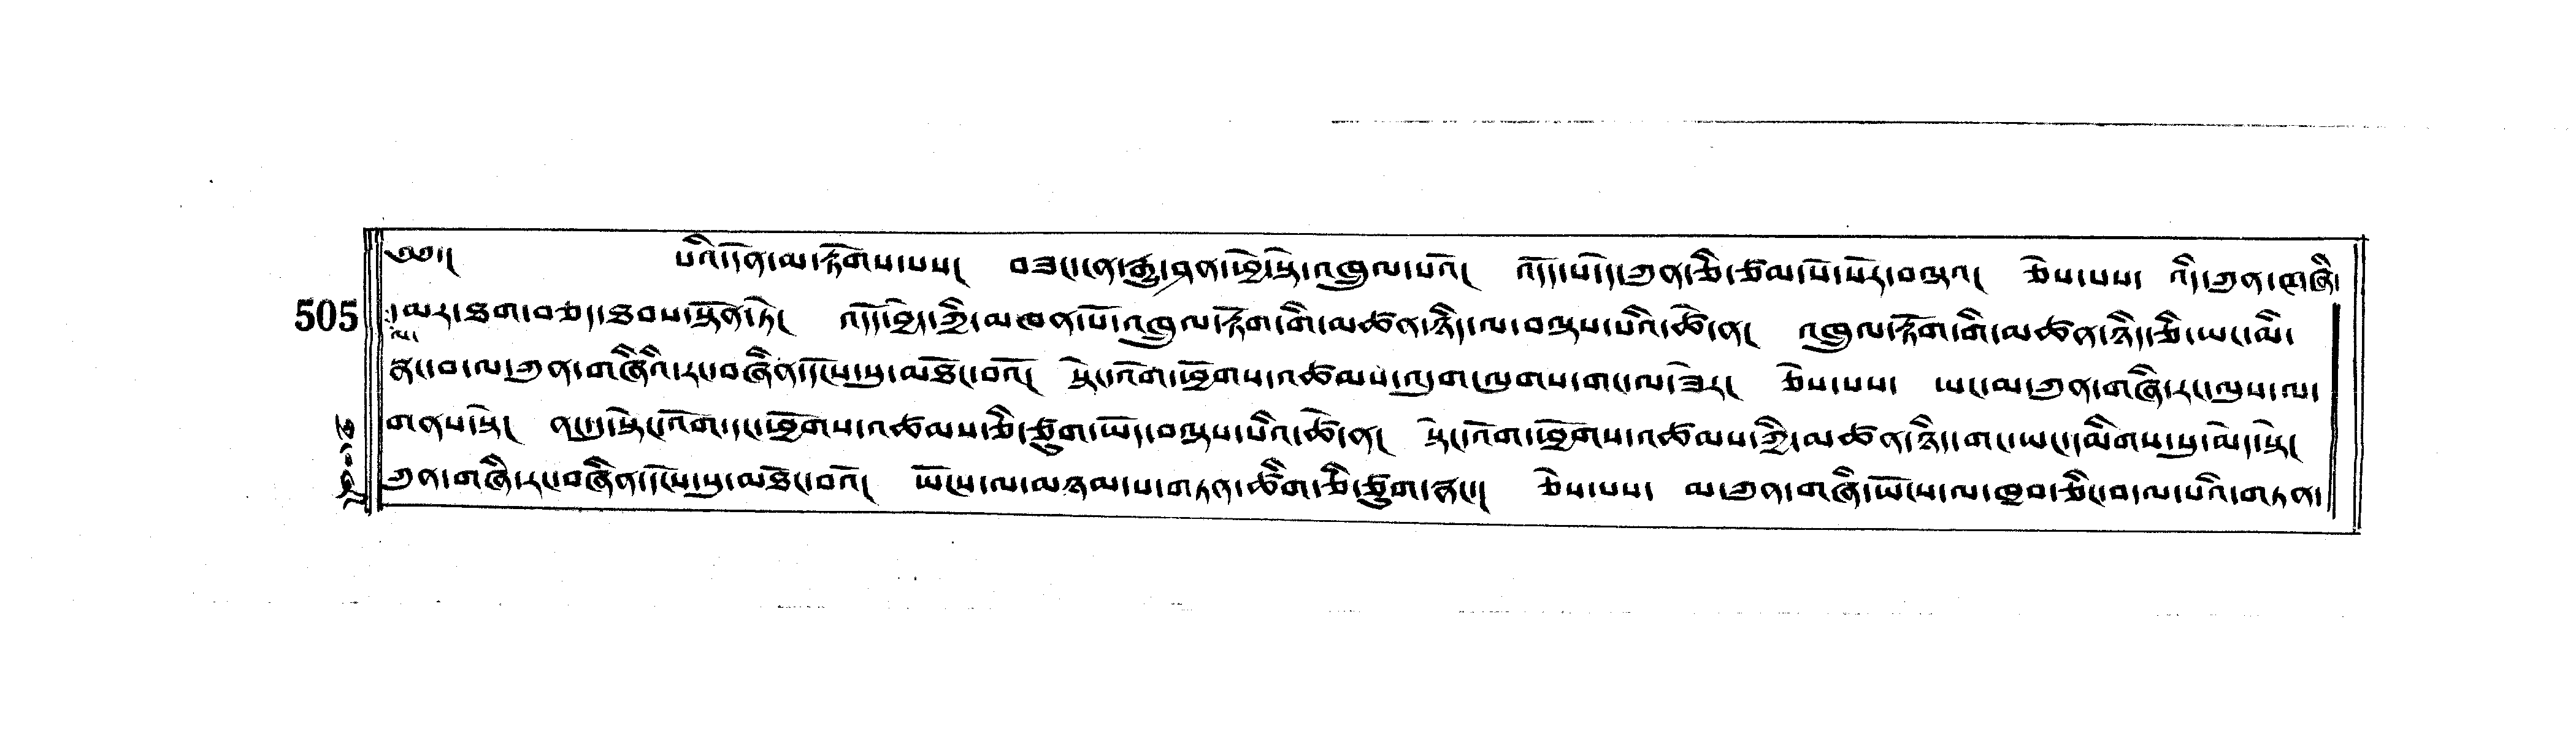པའི་དོན་མ་རྟོགས་པས། བཟང་ངན་རུ་ཤན་ཕྱེ་སྟེ་འཁྲུལ་པའོ། འདོད་པ་དེ་ཀུན་ཅི་ཙམ་སོ་སོར་བལྟ། ཅེས་པས། འདི་ཀུན་གཞི་
དམར་ཐག་གཅོད་ཐབས་སྟོན་ཏེ། འདོད་བྱེད་ཀྱི་མཁན་པོ་འཁྲུལ་རྟོག་གི་མཚན་ཉིད་ལ་བལྟས་པའི་ཚེ་ན། འཁྲུལ་རྟོག་གི་མཚན་ཉིད་ཅི་ཡང་མི་
སྣང་བ་ལ་ཀུན་གཞིའི་རང་བཞིན་དངོས་སུ་མཐོང་བའོ། སྟེང་འོག་ཕྱོགས་མཚམས་འདུག་ལུགས་གང་ལ་ཟེར། ཅེས་པས། ཡང་མ་ཀུན་གཞི་རང་ལུས་ལ་
གནས་སྟེ། ནང་དུ་སྟེང་འོག་དང་ཕྱོགས་མཚམས་ཅི་ཙུག་ཡོད་བལྟས་པའི་ཚེ་ན། སྟེང་འོག་ཕྱོགས་མཚམས་ཀྱི་མཚན་ཉིད་གང་ཡང་དམིགས་སུ་མེད་དེ། 
ཀུན་གཞི་རང་བཞིན་དངོས་སུ་མཐོང་བའོ། ཡོངས་ལ་མཉམ་པ་གཏན་ཚིགས་ཅི་ཙུག་སྣང་། ཅེས་པས། མ་ཀུན་གཞི་ཡོངས་ལ་ཁྱབ་ཅིང་བདལ་པའི་གཏན་